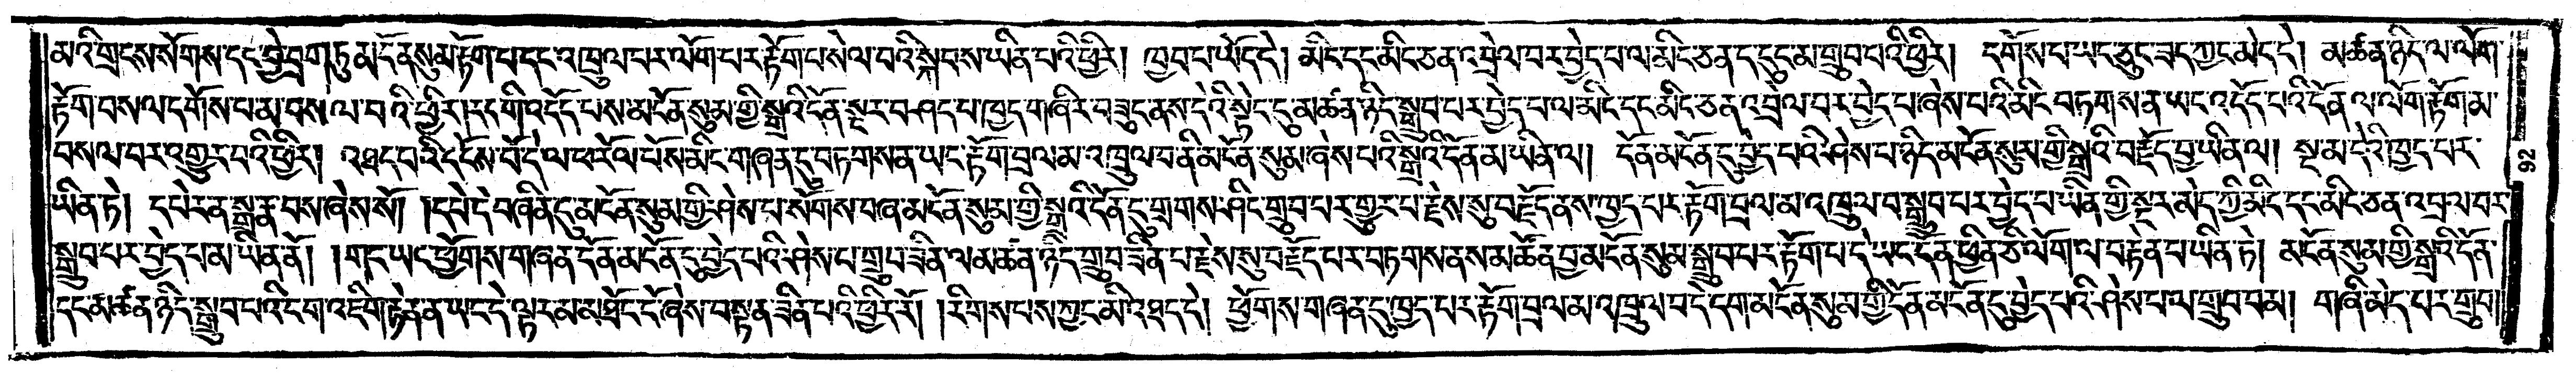མའི་གྲངས་སོགས་དང་བྱེ་བྲག་ཏུ་མངོན་སུམ་རྟོག་པ་དང་འཁྲུལ་པར་ལོག་པར་རྟོག་པ་སེལ་བའི་སྐབས་ཡིན་པའི་ཕྱིར། ཁྱབ་པ་ཡོད་དེ། མིང་དང་མིང་ཅན་འབྲེལ་པར་བྱེད་པ་ལ་མིང་ཅན་ད་དུང་མ་གྲུབ་པའི་ཕྱིར། དགོས་པ་ཡང་ཅུང་ཟད་ཀྱང་མེད་དེ། མཚན་ཉིད་ལ་ལོག་
རྟོག་བསལ་དགོས་པ་མ་བསལ་བའི་ཕྱིར། རང་གི་འདོད་པས་མངོན་སུམ་གྱི་སྒྲའི་དོན་སྔར་བཤད་པ་ཁྱད་གཞིར་བཟུང་ནས་དེའི་སྟེང་དུ་མཚན་ཉིད་སྒྲུབ་པར་བྱེད་པ་ལ་མིང་དང་མིང་ཅན་འབྲེལ་པར་བྱེད་པ་ཞེས་པའི་མིང་བཏགས་ན་ཡང་འདོད་པའི་དོན་ལ་ལོག་རྟོག་མ་
བསལ་བར་འགྱུར་བའི་ཕྱིར། འཐད་པའི་དངོས་པོ་དེ་ལ་ཕ་རོལ་པོས་མིང་གཞན་དུ་བཏགས་ན་ཡང་རྟོག་བྲལ་མ་འཁྲུལ་བ་ནི་མངོན་སུམ་ཞེས་པའི་སྒྲའི་དོན་མ་ཡིན་ལ། དོན་མངོན་དུ་བྱེད་པའི་ཤེས་པ་ཉིད་མངོན་སུམ་གྱི་སྒྲའི་བརྗོད་བྱ་ཡིན་ལ། སྔ་མ་དེའི་ཁྱད་པར་
ཡིན་ཏེ། དཔེར་ན་སྒྲ་རྣ་བས་ཞེས་སོ། །དཔེ་དེ་བཞིན་དུ་མངོན་སུམ་གྱི་ཤེས་པ་སོགས་བཞི་?་མངོན་སུམ་གྱི་སྒྲའི་དོན་དུ་གྲགས་ཤིང་གྲུབ་པར་གྱུར་པ་རྗེས་སུ་བརྗོད་ནས་ཁྱད་པར་རྟོག་བྲལ་མ་འཁྲུལ་བ་སྒྲུབ་པར་བྱེད་པ་ཡིན་གྱི་སྔར་མེད་ཀྱི་མིང་དང་མིང་ཅན་འབྲལ་བར་
སྒྲུབ་པར་བྱེད་པ་མ་ཡིན་ནོ། །གང་ཡང་ཕྱོགས་གཞན་དོན་མངོན་དུ་བྱེད་པའི་ཤེས་པ་གྲུབ་ཟིན་ལ་མཚན་ཉིད་གྲུབ་ཟིན་པ་རྗེས་སུ་བརྗོད་པར་བཏགས་ནས་མཚོན་བྱ་མངོན་སུམ་སྒྲུབ་པར་རྟོག་པ་དེ་ཡང་དོན་ཕྱིན་ཅི་ལོག་ལ་བརྟེན་པ་ཡིན་ཏེ། མངོན་སུམ་གྱི་སྒྲའི་དོན་
དང་མཚན་ཉིད་སྒྲུབ་པའི་ངག་འཇིག་རྟེན་ན་ཡང་དེ་ལྟར་མ་མཐོང་ངོ་ཞེས་བསྟན་ཟིན་པའི་ཕྱིར་རོ། །རིགས་པས་ཀྱང་མི་འཐད་དེ། ཕྱོགས་གཞན་དུ་ཁྱད་པར་རྟོག་བྲལ་མ་འཁྲུལ་པ་དེ་དག་མངོན་སུམ་གྱི་དོན་མངོན་དུ་བྱེད་པའི་ཤེས་པ་ལ་གྲུབ་བམ། གཞི་མེད་པར་གྲུབ་